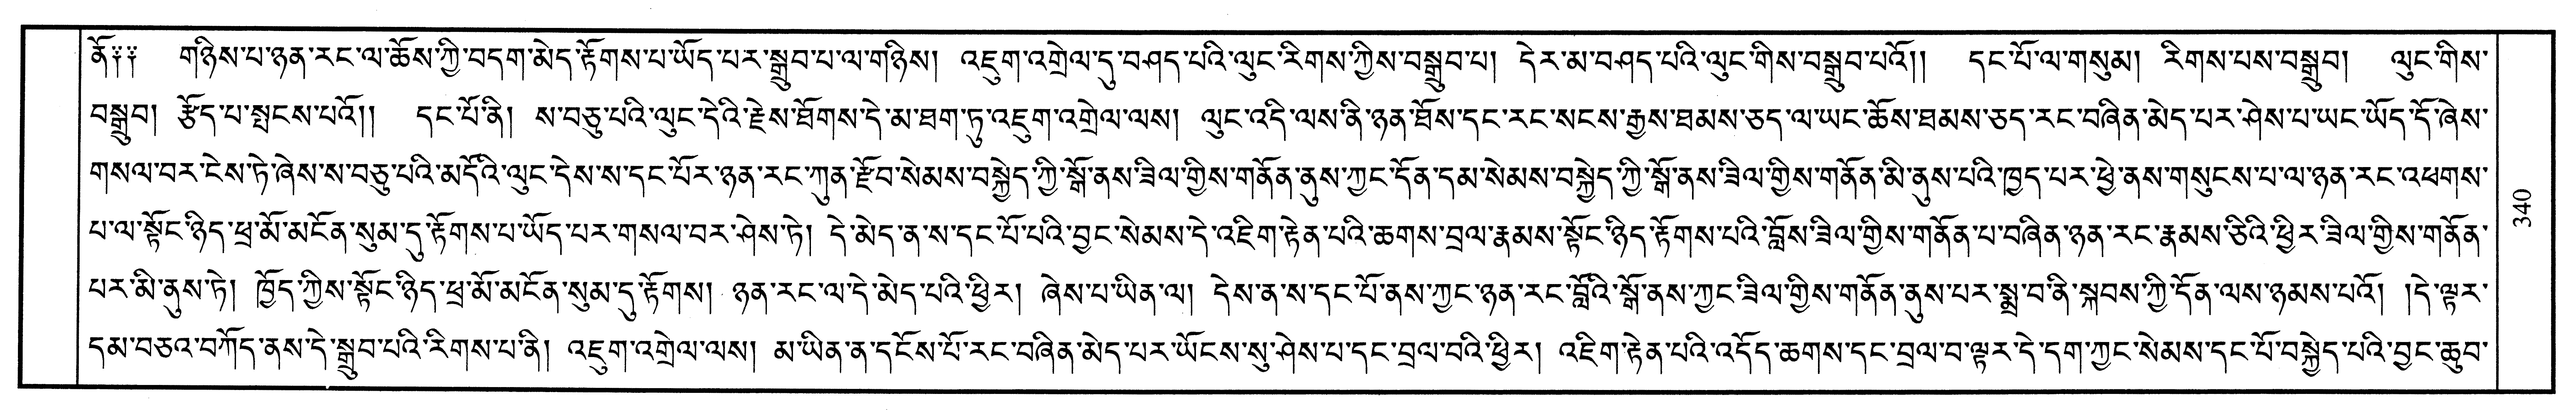ནོ༑༑ གཉིས་པ་ཉན་རང་ལ་ཆོས་ཀྱི་བདག་མེད་རྟོགས་པ་ཡོད་པར་སྒྲུབ་པ་ལ་གཉིས། འཇུག་འགྲེལ་དུ་བཤད་པའི་ལུང་རིགས་ཀྱིས་བསྒྲུབ་པ། དེར་མ་བཤད་པའི་ལུང་གིས་བསྒྲུབ་པའོ།། དང་པོ་ལ་གསུམ། རིགས་པས་བསྒྲུབ། ལུང་གིས་
བསྒྲུབ། རྩོད་པ་སྤངས་པའོ།། དང་པོ་ནི། ས་བཅུ་པའི་ལུང་དེའི་རྗེས་ཐོགས་དེ་མ་ཐག་ཏུ་འཇུག་འགྲེལ་ལས། ལུང་འདི་ལས་ནི་ཉན་ཐོས་དང་རང་སངས་རྒྱས་ཐམས་ཅད་ལ་ཡང་ཆོས་ཐམས་ཅད་རང་བཞིན་མེད་པར་ཤེས་པ་ཡང་ཡོད་དོ་ཞེས་
གསལ་བར་ངེས་ཏེ་ཞེས་ས་བཅུ་པའི་མདོའི་ལུང་དེས་ས་དང་པོར་ཉན་རང་ཀུན་རྫོབ་སེམས་བསྐྱེད་ཀྱི་སྒོ་ནས་ཟིལ་གྱིས་གནོན་ནུས་ཀྱང་དོན་དམ་སེམས་བསྐྱེད་ཀྱི་སྒོ་ནས་ཟིལ་གྱིས་གནོན་མི་ནུས་པའི་ཁྱད་པར་ཕྱེ་ནས་གསུངས་པ་ལ་ཉན་རང་འཕགས་
པ་ལ་སྟོང་ཉིད་ཕྲ་མོ་མངོན་སུམ་དུ་རྟོགས་པ་ཡོད་པར་གསལ་བར་ཤེས་ཏེ། དེ་མེད་ན་ས་དང་པོ་པའི་བྱང་སེམས་དེ་འཇིག་རྟེན་པའི་ཆགས་བྲལ་རྣམས་སྟོང་ཉིད་རྟོགས་པའི་བློས་ཟིལ་གྱིས་གནོན་པ་བཞིན་ཉན་རང་རྣམས་ཅིའི་ཕྱིར་ཟིལ་གྱིས་གནོན་
པར་མི་ནུས་ཏེ། ཁྱོད་ཀྱིས་སྟོང་ཉིད་ཕྲ་མོ་མངོན་སུམ་དུ་རྟོགས། ཉན་རང་ལ་དེ་མེད་པའི་ཕྱིར། ཞེས་པ་ཡིན་ལ། དེས་ན་ས་དང་པོ་ནས་ཀྱང་ཉན་རང་བློའི་སྒོ་ནས་ཀྱང་ཟིལ་གྱིས་གནོན་ནུས་པར་སྨྲ་བ་ནི་སྐབས་ཀྱི་དོན་ལས་ཉམས་པའོ། །དེ་ལྟར་
དམ་བཅའ་བཀོད་ནས་དེ་སྒྲུབ་པའི་རིགས་པ་ནི། འཇུག་འགྲེལ་ལས། མ་ཡིན་ན་དངོས་པོ་རང་བཞིན་མེད་པར་ཡོངས་སུ་ཤེས་པ་དང་བྲལ་བའི་ཕྱིར། འཇིག་རྟེན་པའི་འདོད་ཆགས་དང་བྲལ་བ་ལྟར་དེ་དག་ཀྱང་སེམས་དང་པོ་བསྐྱེད་པའི་བྱང་ཆུབ་